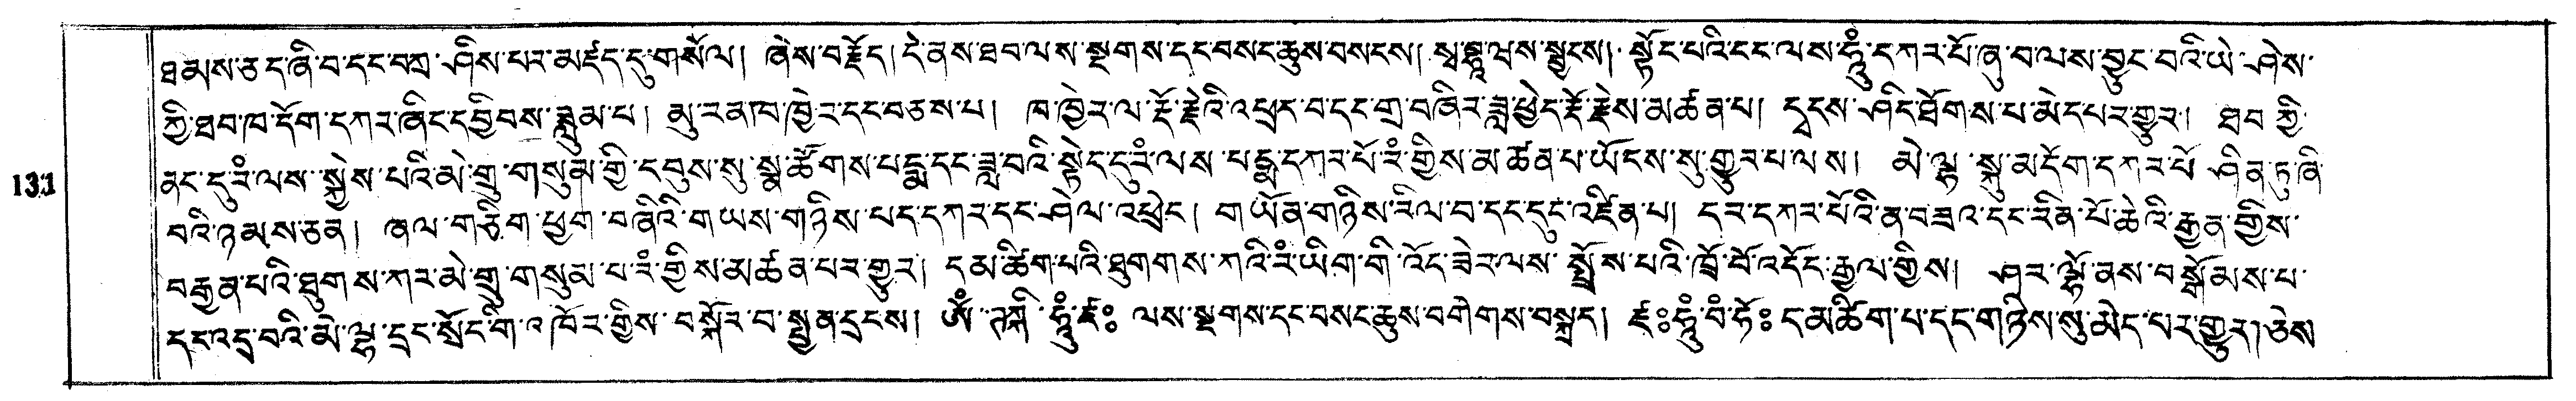ཐམས་ཅད་ཞི་བ་དང་བཀྲ་ཤིས་པར་མཛད་དུ་གསོལ། ཞེས་བརྗོད། དེ་ནས་ཐབ་ལས་སྔགས་དང་བསང་ཆུས་བསངས། སྭ་བྷཱ་ཝས་སྦྱངས། སྟོང་པའི་ངང་ལས་ཧཱུཾ་དཀར་པོ་ཞུ་བ་ལས་བྱུང་བའི་ཡེ་ཤེས་
ཀྱི་ཐབ་ཁ་དོག་དཀར་ཞིང་དབྱིབས་ཟླུམ་པ། མུ་རན་ཁ་ཁྱེར་དང་བཅས་པ། ཁ་ཁྱེར་ལ་རྡོ་རྗེའི་འཕྲད་བ་དང་གྲ་བཞིར་ཟླ་ཕྱེད་རྡོ་རྗེས་མཚན་པ། དྭངས་ཤིང་ཐོགས་པ་མེད་པར་གྱུར། ཐབ་ཀྱི་
ནང་དུ་རཾ་ལས་སྐྱེས་པའི་མེ་གྲུ་གསུམ་གྱི་དབུས་སུ་སྣ་ཚོགས་པདམ་དང་ཟླ་བའི་སྟེང་དུ་རཾ་ལས་པདམ་དཀར་པོ་རཾ་གྱིས་མཚན་པ་ཡོངས་སུ་གྱུར་པ་ལས། མེ་ལྷ་སྐུ་མདོག་དཀར་པོ་ཤིན་ཏུ་ཞི་
བའི་ཉམས་ཅན། ཞལ་གཅིག་ཕྱག་བཞིའི་གཡས་གཉིས་པད་དཀར་དང་ཤེལ་འཕྲེང་། གཡོན་གཉིས་རིལ་བ་དང་དུང་འཛིན་པ། དར་དཀར་པོའི་ན་བཟའ་དང་རིན་པོ་ཆེའི་རྒྱན་གྱིས་
བརྒྱན་པའི་ཐུགས་ཀར་མེ་གྲུ་གསུམ་པ་རཾ་གྱིས་མཚན་པར་གྱུར། དམ་ཚིག་པའི་ཐུག་གས་ཀའི་རཾ་ཡིག་གི་འོད་ཟེར་ལས་སྤྲོས་པའི་ཁྲོ་བོ་འདོད་རྒྱལ་གྱིས། ཤར་ལྷོ་ནས་བསྒོམས་པ་
དང་འདྲ་བའི་མེ་ལྷ་དྲང་སྲོང་གི་འཁོར་གྱིས་བསྐོར་བ་སྤྱན་དྲངས། ཨོཾ་ཊིཀྐ་ཧཱུཾ་ཛཿ ལས་སྔགས་དང་བསང་ཆུས་བགེགས་བསྐྲད། ཛཿཧཱུཾ་བཾ་ཧོཿ དམ་ཚིག་པ་དང་གཉིས་སུ་མེད་པར་གྱུར། ཅེས་